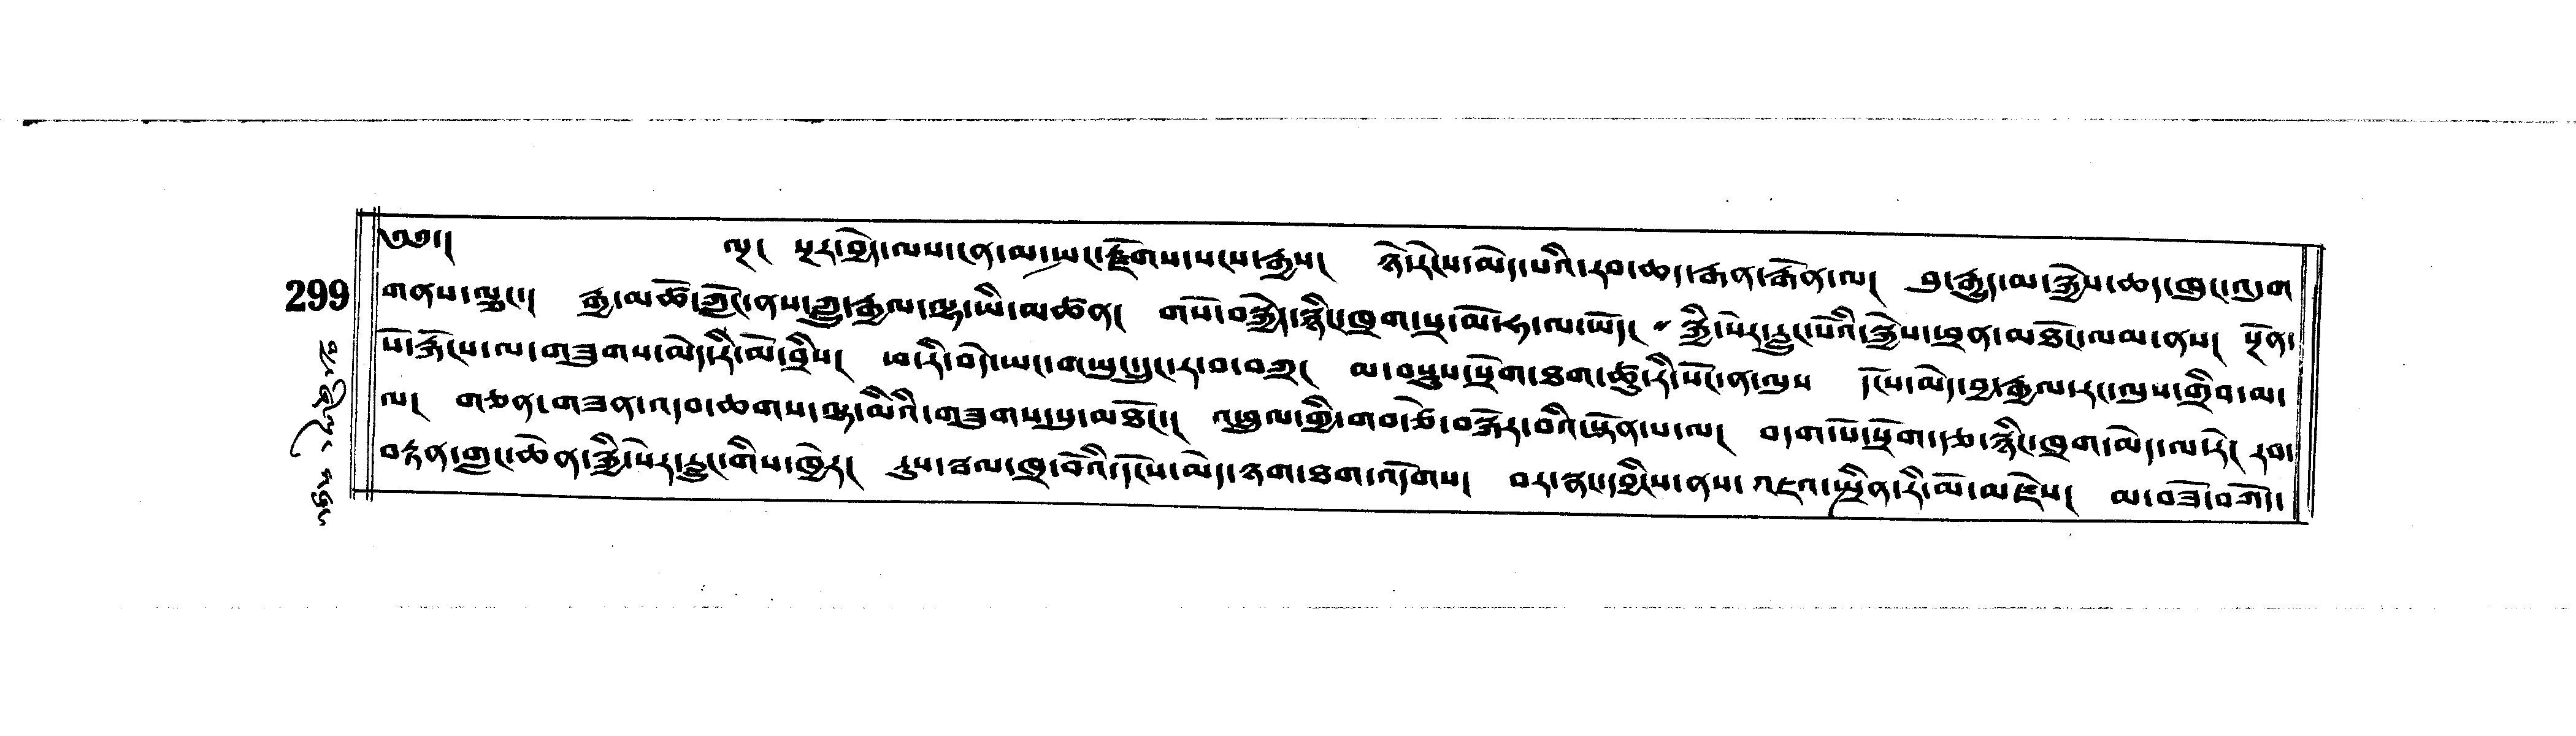སྔ། སྔར་བྱེད་ལས་ངན་མ་སྤངས་རྫོགས་སངས་རྒྱས། ཉེ་རིང་མེད་པའི་རབ་ཆད་རྒན་རྒོན་ལ། བུ་རྒྱུད་མ་སྐྱེས་ཆད་ཁུངས་འདུག་
གནས་ལྕང་། རྒྱ་མཚོ་ཀློང་ནས་ཀླུ་རྒྱལ་ལྷ་ཡི་མཚན། གསོ་སྐྱེད་སྙིང་ཁྲག་པྲ་མོ་ཧ་ལ་ཡོད། ༧ སྐྱི་སེར་རླུང་པོའི་སྐྱེས་ཕྲན་མཐོང་ལམ་ནས། སྔོན་
པོ་རྐང་ལ་གཟུགས་མེད་རི་མོ་བྲིས། ཕ་རི་བདེ་ཡང་གཡུང་དྲུང་ར་བ་བཀྲ། མ་བསྡུས་སྲོག་ཐག་ཚུ་རི་སོང་ན་ལུས། དངོས་མེད་བྱ་རྒྱལ་རང་ལུས་གྲིབ་མ་
ལ། གཅན་གཟན་འདབ་ཆགས་ལྷ་མིའི་གཟུགས་སུ་མཐོང་། འཕྲུལ་གྱི་གབ་ཙེ་བསྐོར་བའི་སྟོན་པ་ལ། བདག་པོ་སྲོག་རྩ་སྙིང་ཁྲག་མེད་ལ་རེ། རབ་
བརྟན་གླང་ཆེན་སྐྱི་སེར་རླུང་གིས་ཁྱེར། རུས་སྦལ་ཁྲ་བོའི་དངོས་མེད་ཉག་ཐག་འདོགས། བར་སྣང་དབྱིངས་ནས་འཇའ་སྤྲིན་རི་མོ་མཛེས། མ་བཟོ་བཀོད་